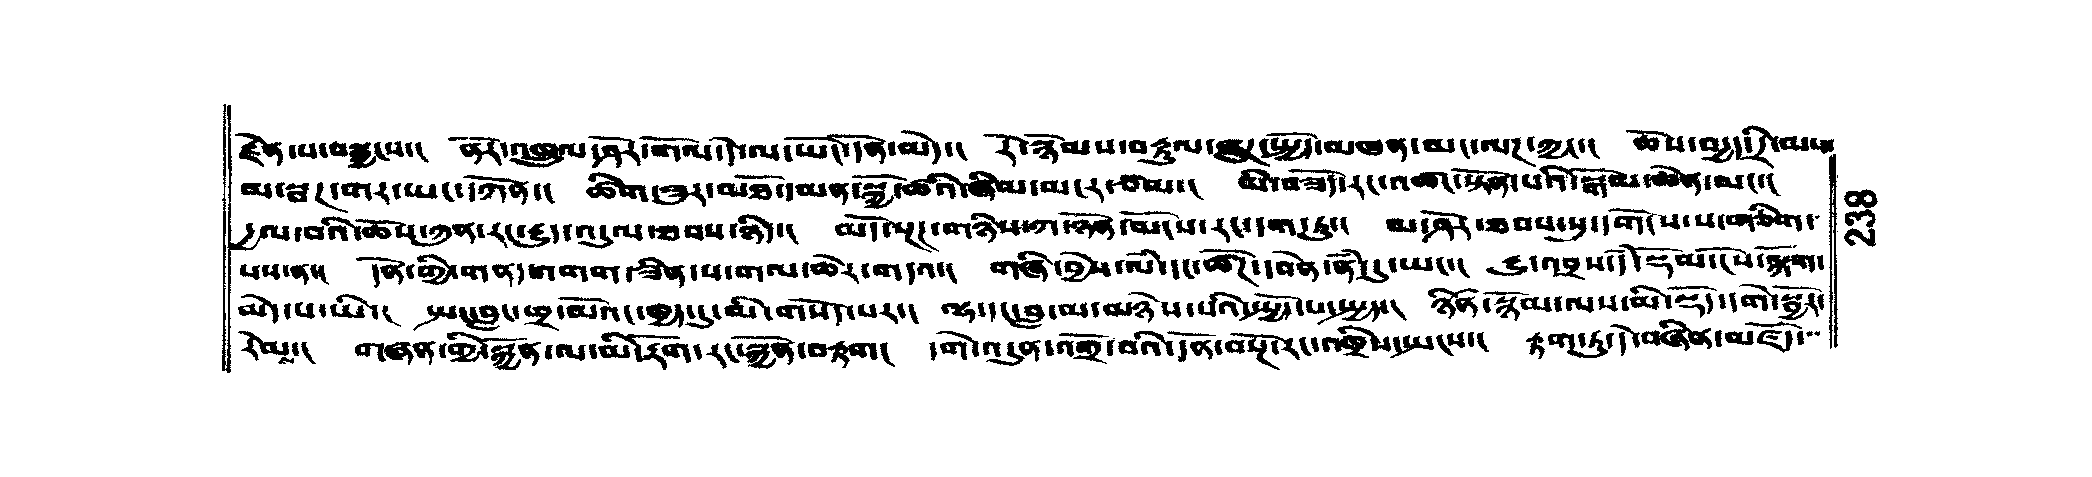རྗེན་པ་བསྐྱང་། །ནོར་འཁྲུལ་ཤོར་གོལ་དེ་ལ་ཡོང་དོན་མེད། །རོ་སྙོམས་བརྟུལ་ཞུགས་སྤྱོད་མཁན་མང་ལགས་ཀྱང་། །ཆོས་བརྒྱད་དྲི་མས་
མ་སྦགས་གར་ཡང་དཀོན། །ཚིག་ཟུར་མཐོ་དམན་སྐྱོ་ཚའི་ཞིམ་མངར་ཙམ། །མི་བཟོད་རང་འཚང་སྟོན་པའི་སྒོམ་ཆེན་མང་། །
རྒྱལ་བའི་ཆོས་ཀུན་རང་རྒྱུད་འདུལ་ཐབས་ཉིད། །མདོ་སྔགས་གཉིས་ཀ་ཉོན་མོངས་རང་དག་ཏུ། །མ་ཤོར་ཐབས་སུ་དགོངས་པ་གཅིག་
པས་ནས། །དོན་གྱི་གནད་འགག་ཟིན་པ་གལ་ཆེར་གདའ། །གཞི་བྱེས་ལམ་དང་ཚོགས་དབེན་ནམ་དུ་ཡང་། །རྒྱུ་འབྲས་དམ་སྡོམ་ངོས་ལྐོག་
མེད་པ་ཡི། །སྤང་བླང་ཕྲ་མོའང་ཁྱད་དུ་མི་གསོད་པར། །ལྷ་དང་བླ་མ་མཉེས་པའི་སྤྱོད་པ་སྤྱད། །ཉིན་མཚན་སྙོམ་ལས་མི་སྡོད་དགེ་སྦྱོར་
རེམས། །གཞན་གྱི་སྐྱོན་ལ་མི་རྟོག་རང་སྐྱོང་བརྟག །དགེ་འདུན་འགྲོ་བའི་དོན་བསྔོ་རང་འཁྲིས་སྤངས། །རྟག་ཏུ་དེ་བཞིན་མཛོད་